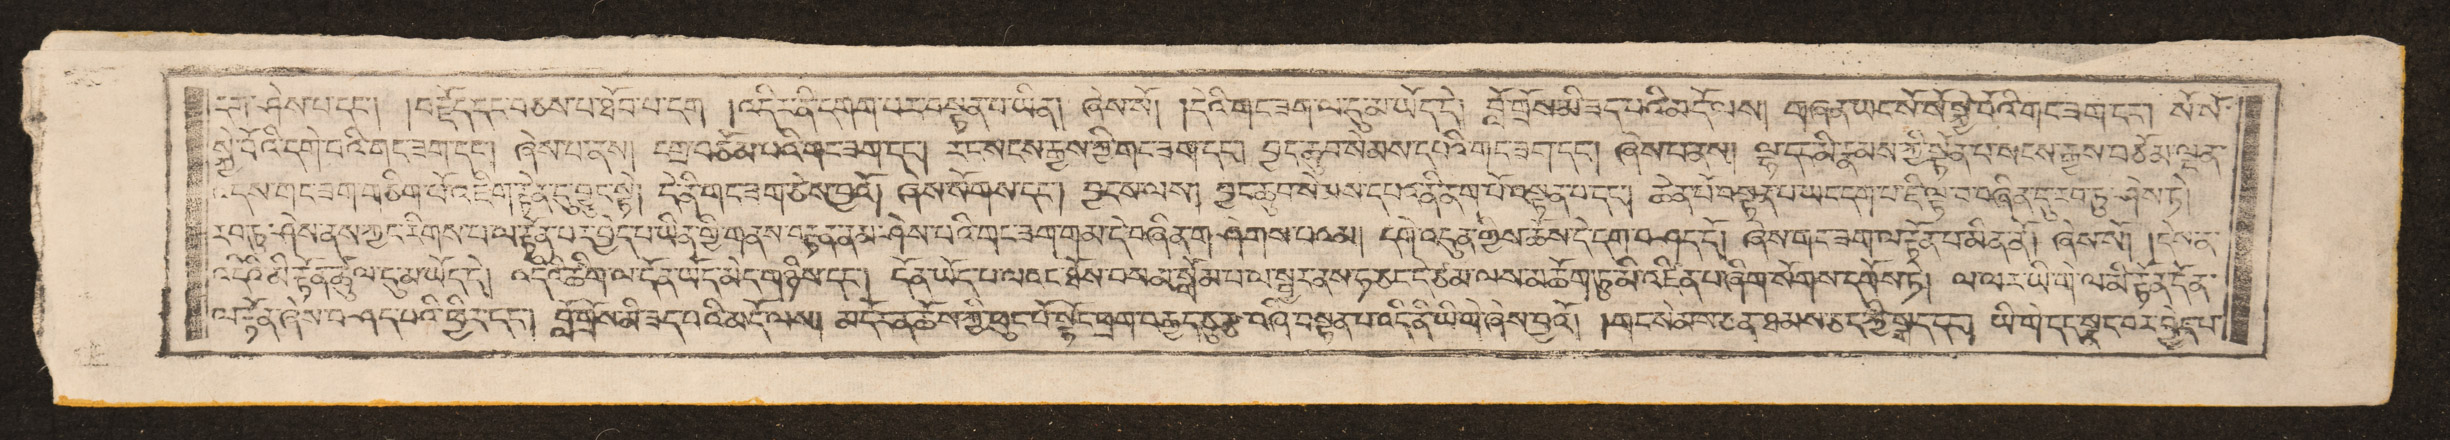དག་ཤེས་པ་དང་། །བརྗོད་དང་བཅས་པ་ཐོབ་པ་དག །འདིར་ནི་དགག་པར་བསྟན་པ་ཡིན། ཞེས་སོ། །དེའི་གང་ཟག་ལ་དུ་མ་ཡོད་དེ། བློ་གྲོས་མི་ཟད་པའི་མདོ་ལས། གཞན་ཡང་སོ་སོ་སྐྱེ་བོའི་གང་ཟག་དང་། སོ་སོ་
སྐྱེ་བོའི་དགེ་པའི་གང་ཟག་དང་། ཞེས་པ་ནས། དགྲ་བཅོམ་པའི་གང་ཟག་དང་། རང་སངས་རྒྱས་ཀྱི་གང་ཟག་དང་། བྱང་ཆུབ་སེམས་དཔའི་གང་ཟག་དང་། ཞེས་པ་ནས། ལྷ་དང་མི་རྣམས་ཀྱི་སྟོན་པ་སངས་རྒྱས་བཅོམ་ལྡན་
འདས་གང་ཟག་གཅིག་པོ་འཇིག་རྟེན་དུ་བྱུང་སྟེ། དེ་ནི་གང་ཟག་ཅེས་བྱའོ། ཞེས་སོགས་དང་། བྱངས་ལས། བྱང་ཆུབ་སེམས་དཔའ་ནི་ནག་པོ་བསྟན་པ་དང་། ཆེན་པོ་བསྟན་པ་ཡང་དག་པ་ཇི་ལྟ་བ་བཞིན་དུ་རབ་ཏུ་ཤེས་ཏེ།
རབ་ཏུ་ཤེས་ནས་ཀྱང་རིགས་པ་ལ་རྟོན་པར་བྱེད་པ་ཡིན་གྱི་གནས་བརྟན་ནམ་ཤེས་པའི་གང་ཟག་གམ་དེ་བཞིན་གཤེགས་པའམ། དགེ་འདུན་གྱིས་ཆོས་དེ་དག་བཤད་དོ། ཞེས་གང་ཟག་ལ་རྟོན་པ་མིན་ནོ། ཞེས་སོ། །དེས་ན་
འདིའི་མི་རྟོན་ཚུལ་དུ་མ་ཡོད་དེ། འདིའི་ཚིག་ལ་དོན་ཡོད་མེད་གཉིས་དང་། དོན་ཡོད་པ་ལའང་ཐོས་བསམ་སྒོམ་པ་ལ་སྦྱར་ནས་ཧ་ཅང་དེ་ཙམ་ལས་མཆོག་ཏུ་མི་འཛིན་པ་ཞིག་སོགས་དགོས་ཏེ། ལ་ལར་ཡི་གེ་ལ་མི་རྟོན་དོན་
ལ་རྟོན་ཞེས་བཤད་པའི་ཕྱིར་དང་། བློ་གྲོས་མི་ཟད་བའི་མདོ་ལས། མདོར་ན་ཆོས་ཀྱི་ཕུང་པོ་སྟོང་ཕྲག་བརྒྱད་ཅུ་རྩ་བཞི་བསྟན་པ་འདི་ནི་ཡི་གེ་ཞེས་བྱའོ། །གང་སེམས་ཅན་ཐམས་ཅད་ཀྱི་སྐད་དང་། ཡི་གེ་དང་སྣང་བར་བྱེད་པ་